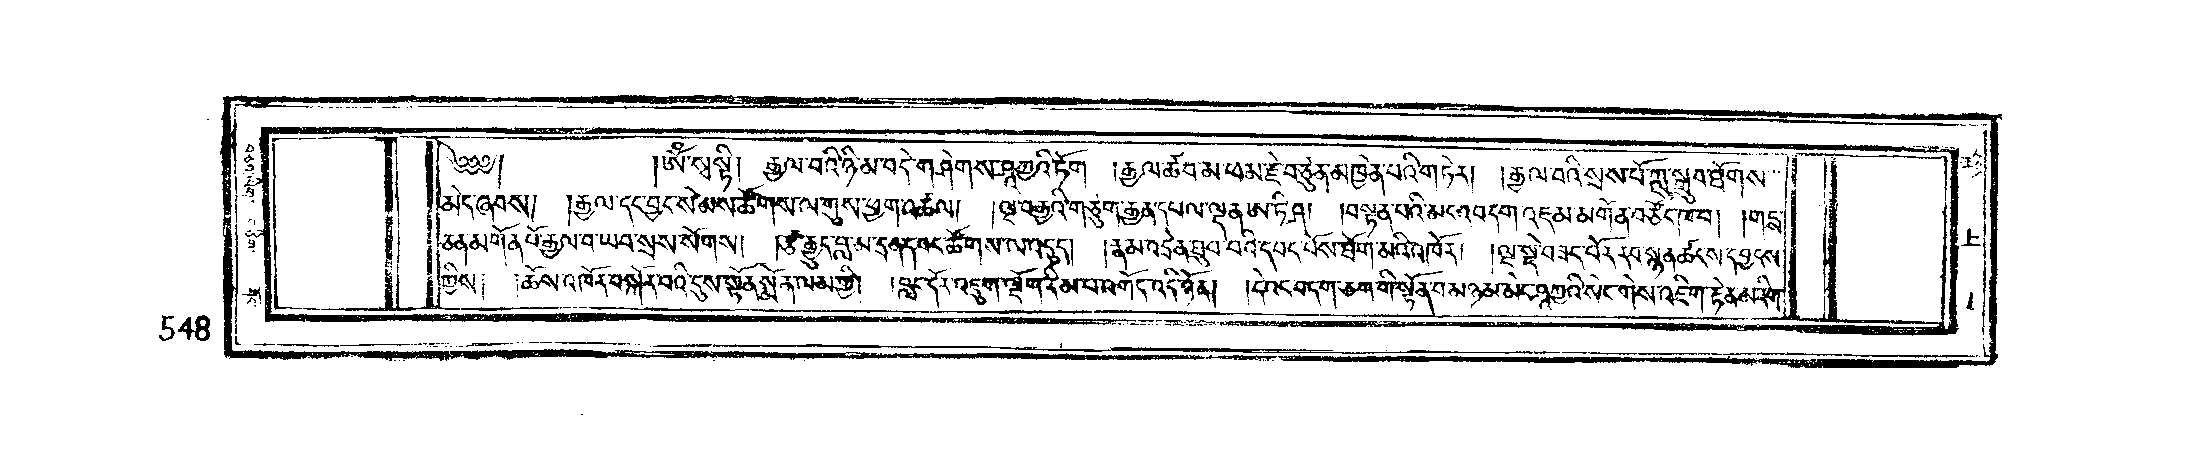༄༅༅། །ཨོཾ་སྭ་སྟི། རྒྱལ་བའི་ཉི་མ་བདེ་གཤེགས་ཤཱཀྱའི་ཏོག །རྒྱལ་ཚབ་མ་ཕམ་རྗེ་བཙུན་མཁྱེན་པའི་གཏེར། །རྒྱལ་བའི་སྲས་པོ་ཀླུ་སྒྲུབ་ཐོགས་
མེད་ཞབས། །རྒྱལ་དང་བྱང་སེམས་ཚོགས་ལ་གུས་ཕྱག་འཚལ། །ལྔ་བརྒྱའི་གཙུག་རྒྱན་དཔལ་ལྡན་ཨ་ཏི་ཤ། །བསྟན་པའི་མངའ་བདག་འཇམ་མགོན་བཙོང་ཁ་པ། །གངས་
ཅན་མགོན་པོ་རྒྱལ་བ་ཡབ་སྲས་སོགས། །རྩ་རྒྱུད་བླ་མ་དྲན་དབང་ཚོགས་ལ་འདུད། །རྣམ་འདྲེན་ཐུབ་པའི་དབང་པོས་ཐོག་མའི་འཁོར། །ལྔ་སྡེ་བཟང་པོར་རབ་སྙན་ཚངས་དབྱངས་
ཀྱིས། །ཆོས་འཁོར་བསྐོར་བའི་དུས་སྟོན་སྨོན་ལམ་གྱི། །བླང་དོར་འཇུག་ལྡོག་རིམ་པ་འགོད་འདི་ཉོན། །དེའང་བདག་ཅག་གི་སྟོན་པ་མཉམ་མེད་ཤཱཀྱའི་སེང་གེས་འཇིག་རྟེན་མ་རིག་